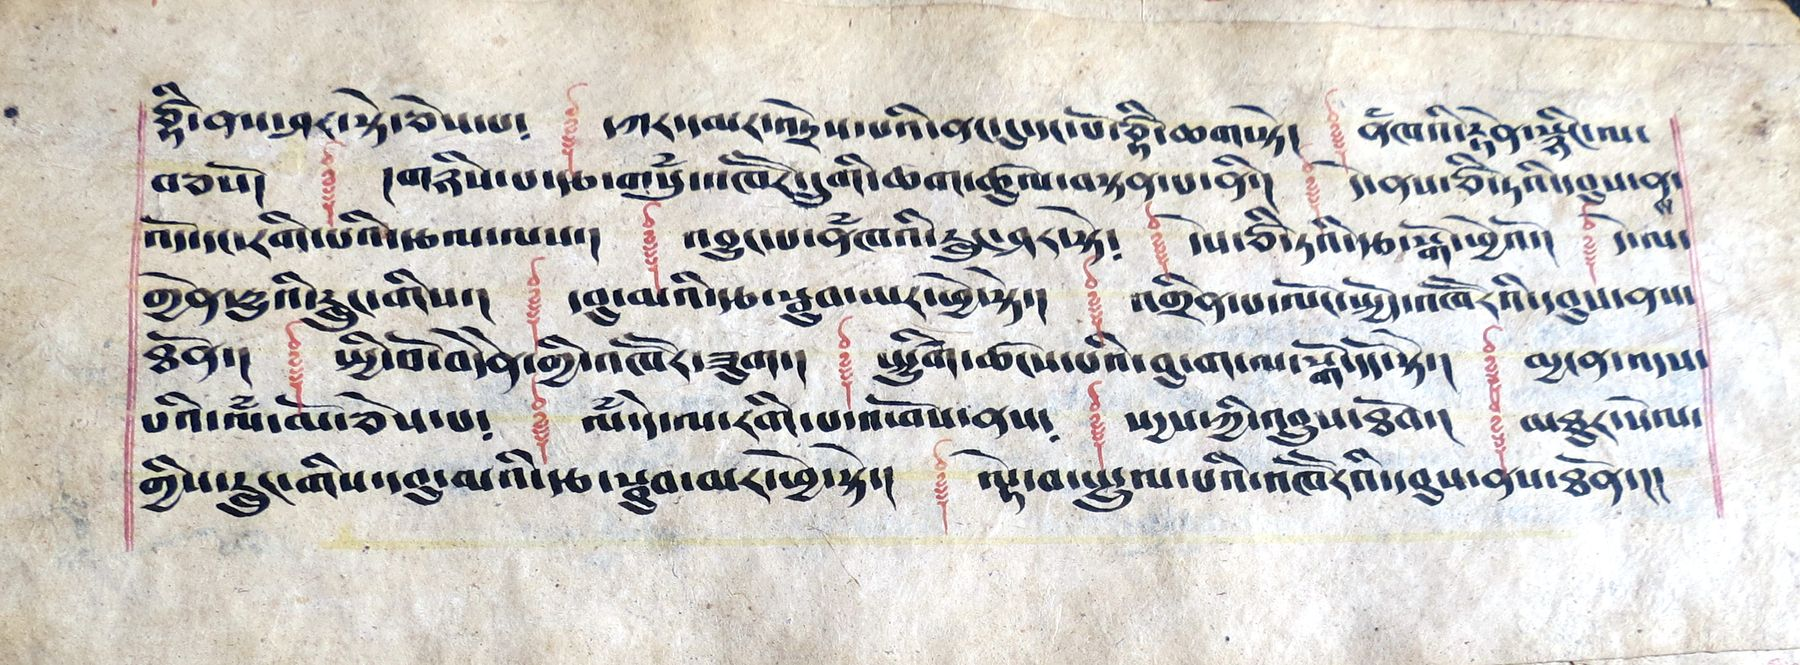ཙི་ཏ་ནས་ཤར་ཏེ། །ཞེས་པས་དཀར་དམར་འདྲེས་པའི་ནང་དུ་དང་པོ་ཙི་ཏ་ཆགས་ཏེ། ནམ་མཁའི་རྟེན་སྙིང་ལ་
བཅས་སོ། །གཉིས་པ་རྩ་གསུམ་འཁོར་ལོ་དྲུག་གི་ཆགས་ཚུལ་བསྟན་པ་ནི། དེ་ནས་ཙི་ཏའི་དབུས་ནས་
འོད་དང་རིག་པའི་རྩལ་ལས་འབྱུང་བ་ནམ་མཁའི་རླུང་ཤར་ཏེ། དེས་ཙི་ཏའི་རྩ་སྒོ་ཕྱེའོ། །དེ་ལ་
གྱེན་རྒྱུའི་རླུང་གིས། དབུ་མའི་རྩ་སྦུབས་ཡར་ཕྱེས་ཏེ། མགྲིན་པ་ལོངས་སྤྱོད་འཁོར་ལོའི་དབུས་ནས་
ཐོན། སྤྱི་བོ་བདེ་ཆེན་གྱི་འཁོར་ལོ་ལ་ཟུག སྤྱི་གཙུག་ཚངས་པའི་བུ་ག་ལ་སྒོ་དོད་དེ། མྱ་ངན་ལས་འདས་
པའི་ལམ་མོ། །ཞེས་པས། ལམ་དེ་ལས་རིག་པ་འཕོས་ན། སངས་རྒྱས་ཀྱི་འབྲས་བུ་ཐོབ། ཐུར་སེལ་
གྱི་རླུང་གིས་དབུ་མའི་རྩ་སྦུབས་མར་ཕྱེས་ཏེ། ལྟེ་བ་སྤྲུལ་པའི་འཁོར་ལོའི་དབུས་ནས་ཐོན།